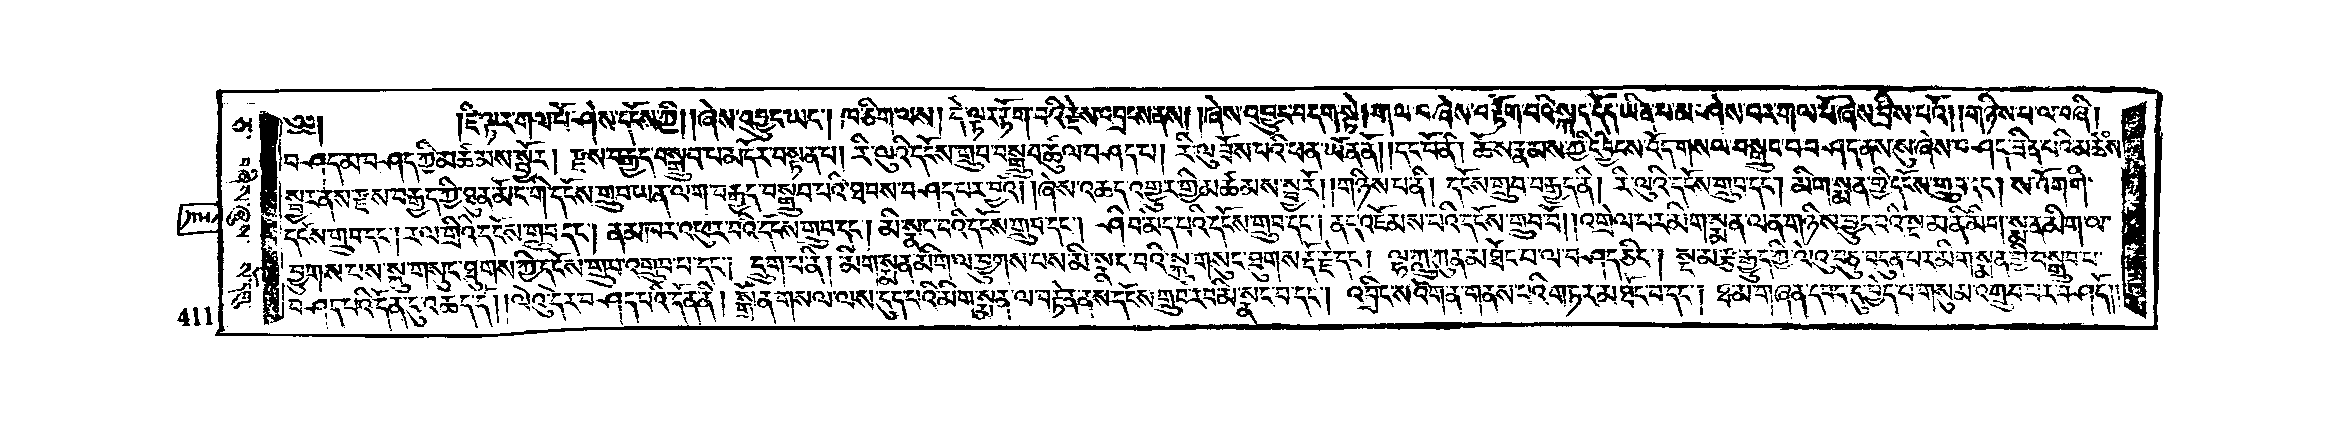༄༅། །ཇི་ལྟར་གལ་པོ་ཤེས་དངོས་ཀྱི། །ཞེས་འབྱུང་ཡང་། ཁ་ཅིག་ལས། དེ་ལྟར་རྟོག་པའི་རྗེས་འབྲངས་ནས། །ཞེས་འབྱུང་བ་དག་སྟེ། ཀ་ལ་བཞེས་?་པ་རྟོག་པའི་སྐད་དོད་ཡིན་པར་ཤེས་པར་གལ་པོ་ཞེས་བྲིས་པའོ། །གཉིས་པ་ལ་བཞི།
བཤད་མ་བཤད་ཀྱི་མཚམས་སྦྱོར། རྫས་བརྒྱད་བསྒྲུབ་པ་མདོར་བསྟན་པ། རི་ལུའི་དངོས་གྲུབ་བསྒྲུབ་ཚུལ་བཤད་པ། རི་ལུ་ཟོས་པའི་ཕན་ཡོན་ནོ། །དང་པོ་ནི། ཆོས་རྣམས་ཀྱི་དབྱིངས་འོད་གསལ་བསྒྲུབ་པ་བཤད་ནས་སུ་ཞེས་བཤད་ཟིན་པའི་མཚམས་
སྦྱར་ནས་རྫས་བརྒྱད་ཀྱི་ཐུན་མོང་གི་དངོས་གྲུབ་ཡན་ལག་བརྒྱད་བསྒྲུབ་པའི་ཐབས་བཤད་པར་བྱའོ། །ཞེས་འཆད་འགྱུར་གྱི་མཚམས་སྦྱར་རོ། །གཉིས་པ་ནི། དངོས་གྲུབ་བརྒྱད་ནི། རི་ལུའི་དངོས་གྲུབ་དང་། མིག་སྨན་གྱི་དངོས་གྲུབ་དང་། ས་འོག་གི་
དངོས་གྲུབ་དང་། རལ་གྲིའི་དངོས་གྲུབ་དང་། ནམ་མཁར་འཕུར་བའི་དངོས་གྲུབ་དང་། མི་སྣང་བའི་དངོས་གྲུབ་དང་། ཤི་བ་མེད་པའི་དངོས་གྲུབ་དང་། ནད་འཇོམས་པའི་དངོས་གྲུབ་བོ། །འགྲེལ་པར་མིག་སྨན་ལན་གཉིས་བྱུང་བའི་སྔ་མ་ནི་མིག་སྨན་མིག་ལ་
བྱུགས་པས་སྐུ་གསུང་ཐུགས་ཀྱི་དངོས་གྲུབ་འགྲུབ་པ་དང་། དྲུག་པ་ནི། མིག་སྣན་?་མིག་ལ་བྱུགས་པས་མི་སྣང་བའི་སྐུ་གསུང་ཐུགས་རྡོ་རྗེ་དང་། ལྷ་ཀླུ་ཀུན་མཐོང་བ་ལ་བཤད་ཅིང་། སྔ་མ་རྩ་རྒྱུད་ཀྱི་ལེའུ་བཅུ་བདུན་པར་མིག་སྨན་གྱི་བསྒྲུབ་པ་
བཤད་པའི་དོན་དུ་འཆད་དོ། །ལེའུ་དེར་བཤད་པའི་དོན་ནི། སྒྲོན་གསལ་ལས་དུད་པའི་མིག་སྨན་ལ་བརྟན་ནས་དངོས་གྲུབ་རབ་མི་སྣང་བ་དང་། འབྲིང་ས་འོག་ན་གནས་པའི་གཏར་མཐོང་བ་དང་། ཐ་མ་གཞན་དབང་དུ་བྱེད་པ་གསུམ་འགྲུབ་པར་བཤད་དོ། །